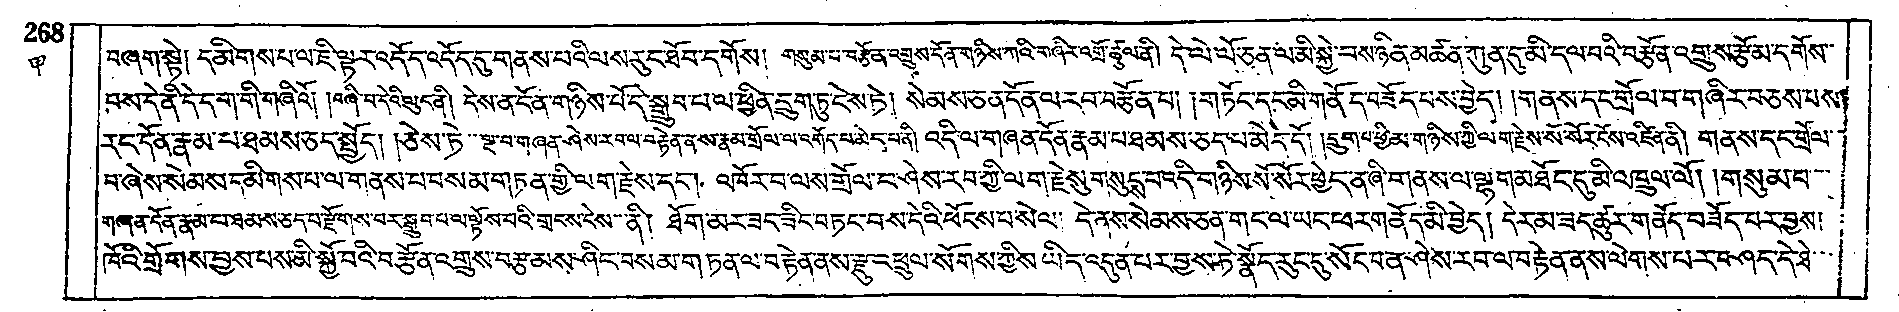བཞག་སྟེ། དམིགས་པ་ལ་ཇི་ལྟར་འདོད་འདོད་དུ་གནས་པའི་ལས་རུང་ཐོབ་དགོས། གསུམ་པ་བརྩོན་འགྲུས་དོན་གཉིས་ཀའི་གཞིར་འགྲོ་ཚུལ་ནི།  དེ་ལེ་ལོ་ཅན་ལ་མི་སྐྱེ་བས་ཉིན་མཚན་ཀུན་དུ་མི་དལ་བའི་བརྩོན་འགྲུས་རྩོམ་དགོས་
བས་དེ་ནི་དེ་དག་གི་གཞིའོ། །བཞི་པ་དེའི་ལུང་ནི།  དེས་ན་དོན་གཉིས་པོ་དེ་སྒྲུབ་པ་ལ་ཕྱིན་དྲུག་ཏུ་ངེས་ཏེ། སེམས་ཅན་དོན་ལ་རབ་བརྩོན་པ། །གཏོང་དང་མི་གནོད་བཟོད་པས་བྱེད། །གནས་དང་གྲོལ་བ་གཞིར་བཅས་པས་
རང་དོན་རྣམ་པ་ཐམས་ཅད་སྤྱོད། །ཅེས་ཏེལྔ་པ་གཞན་ཤེས་རབ་ལ་བརྟེན་ནས་རྣམ་གྲོལ་ལ་འགོད་པ་མེད་པ་ནི།  འདི་ལ་གཞན་དོན་རྣམ་པ་ཐམས་ཅད་པ་མེད་དོ། །དྲུག་པ་ཕྱི་མ་གཉིས་ཀྱི་ལག་རྗེས་སོ་སོར་ངོས་འཛིན་ནི།  གནས་དང་གྲོལ་
བ་ཞེས་སེམས་དམིགས་པ་ལ་གནས་པ་བསམ་གཏན་གྱི་ལག་རྗེས་དང་། འཁོར་བ་ལས་གྲོལ་བ་ཤེས་རབ་ཀྱི་ལག་རྗེས་སུ་གསུངས་པ་འདི་གཉིས་སོ་སོར་ཕྱེད་ན་ཞི་གནས་ལ་ལྷག་མཐོང་དུ་མི་འཁྲུལ་ལོ། །གསུམ་པ་
གཞན་དོན་རྣམ་པ་ཐམས་ཅད་པ་རྫོགས་པར་སྒྲུབ་པ་ལ་ལྟོས་པའི་གྲངས་ངེསནི། ཐོག་མར་ཟང་ཟིང་བཏང་བས་དེའི་ཕོངས་པ་སེལ། དེ་ནས་སེམས་ཅན་གང་ལ་ཡང་ཕར་གནོད་མི་བྱེད། དེར་མ་ཟད་ཚུར་གནོད་བཟོད་པར་བྱས།
ཁོའི་གྲོགས་བྱས་པས་མི་སྐྱོ་བའི་བརྩོན་འགྲུས་བརྩམས་ཤིང་བསམ་གཏན་ལ་བརྟེན་ནས་རྫུ་འཕྲུལ་སོགས་ཀྱིས་ཡིད་འདུན་པར་བྱས་ཏེ་སྣོད་རུང་དུ་སོང་བ་ན་ཤེས་རབ་ལ་བརྟེན་ནས་ལེགས་པར་བཤད་དེ་ཐེ་